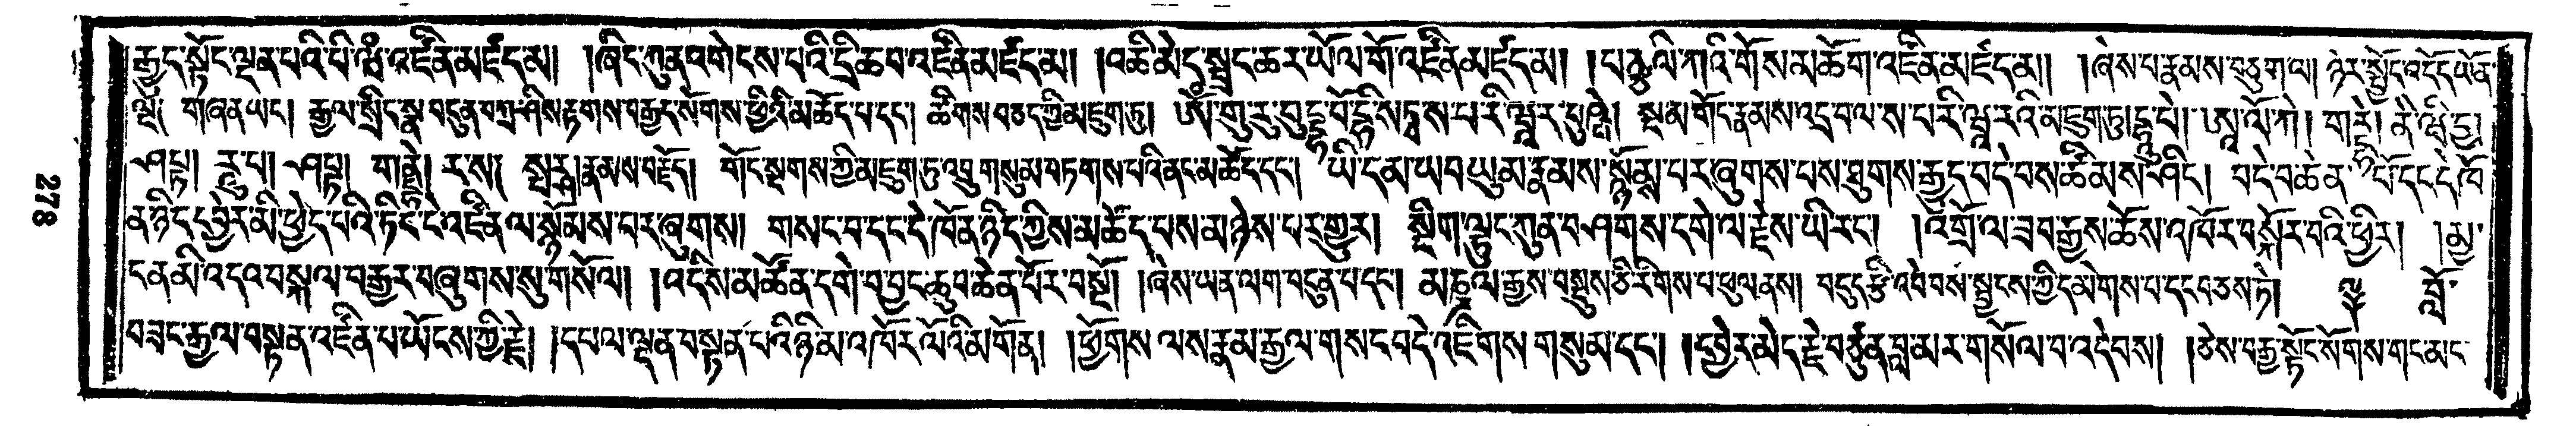རྒྱུད་སྟོང་ལྡན་པའི་པི་ཝཾ་འཛིན་མཛད་མ། །ཞིང་ཀུན་འགེངས་པའི་དྲི་ཆབ་འཛིན་མཛད་མ། །འཆི་མེད་སྦྲང་ཆར་ཡོལ་གོ་འཛིན་མཛད་མ། །པཉྩ་ལི་ཀའི་གོས་མཆོག་འཛིན་མཛད་མ། །ཞེས་པ་རྣམས་བཅུག་ལ། ཉེར་སྤྱོད་འདོད་ཡོན་
ལྔ༑ གཞན་ཡང་། རྒྱལ་སྲིད་སྣ་བདུན་བཀྲ་ཤིས་རྟགས་བརྒྱད་སོགས་ཕྱིའི་མཆོད་པ་དང་། ཚིགས་བཅད་ཀྱི་མཇུག་ཏུ། ཨོཾ་གུ་རུ་བུདྡྷ་བོ་དྷི་སཏྭ་ས་པ་རི་ཝཱ་ར་པུཥྤེ། སྔ་མ་གོང་རྣམས་འདྲ་བ་ལ་ས་པ་རི་ཝཱ་རའི་མཇུག་ཏུ། ཨཱ་ལོ་ཀེ། གརྡྷེ། ནཻ་ཝི་དྱ།
ཤཔྟ། རཱུ་པ། ཤཔྟ། གནྡྷེ། ར་ས༑ སྤརྴ། རྣམས་བརྗོད། གོང་སྔགས་ཀྱི་མཇུག་ཏུ་འབྲུ་གསུམ་བཏགས་པའི་ནང་མཆོད་དང་། ཡི་དམ་ཡབ་ཡུམ་རྣམས་སྙོམས་པར་ཞུགས་པས་ཐུགས་རྒྱུད་བདེ་བས་ཚིམས་ཤིང་། བདེ་བ་ཆེན་པོ་དང་དེ་ཁོ་
ན་ཉིད་དབྱེར་མི་ཕྱེད་པའི་ཏིང་ངེ་འཛིན་ལ་སྙོམས་པར་ཞུགས། གསང་བ་དང་དེ་ཁོ་ན་ཉིད་ཀྱིས་མཆོད་པས་མཉེས་པར་གྱུར། སྡིག་ལྟུང་ཀུན་བཤགས་དགེ་ལ་རྗེས་ཡི་རང་། །འགྲོ་ལ་ཟབ་རྒྱས་ཆོས་འཁོར་བསྐོར་བའི་ཕྱིར། །མྱ་
ངན་མི་འདའ་བསྐལ་བརྒྱར་བཞུགས་སུ་གསོལ། །འདིས་མཚོན་དགེ་བ་བྱང་ཆུབ་ཆེན་པོར་བསྔོ། །ཞེས་ཡན་ལག་བདུན་པ་དང་། མཎྜལ་རྒྱས་བསྡུས་ཅི་རིགས་པ་ཕུལ་ནས། བདུད་རྩི་འབེབས་སྦྱངས་ཀྱི་དམིགས་པ་དང་བཅས་ཏེ། ༈ བློ་
བཟང་རྒྱལ་བསྟན་འཛིན་པ་ཡོངས་ཀྱི་རྗེ། །དཔལ་ལྡན་བསྟན་པའི་ཉི་མ་འཁོར་ལོའི་མགོན། །ཕྱོགས་ལས་རྣམ་རྒྱལ་གསང་བདེ་འཇིགས་གསུམ་དང་། །དབྱེར་མེད་རྗེ་བཙུན་བླ་མར་གསོལ་བ་འདེབས། །ཅེས་བརྒྱ་སྟོང་སོགས་གང་མང་